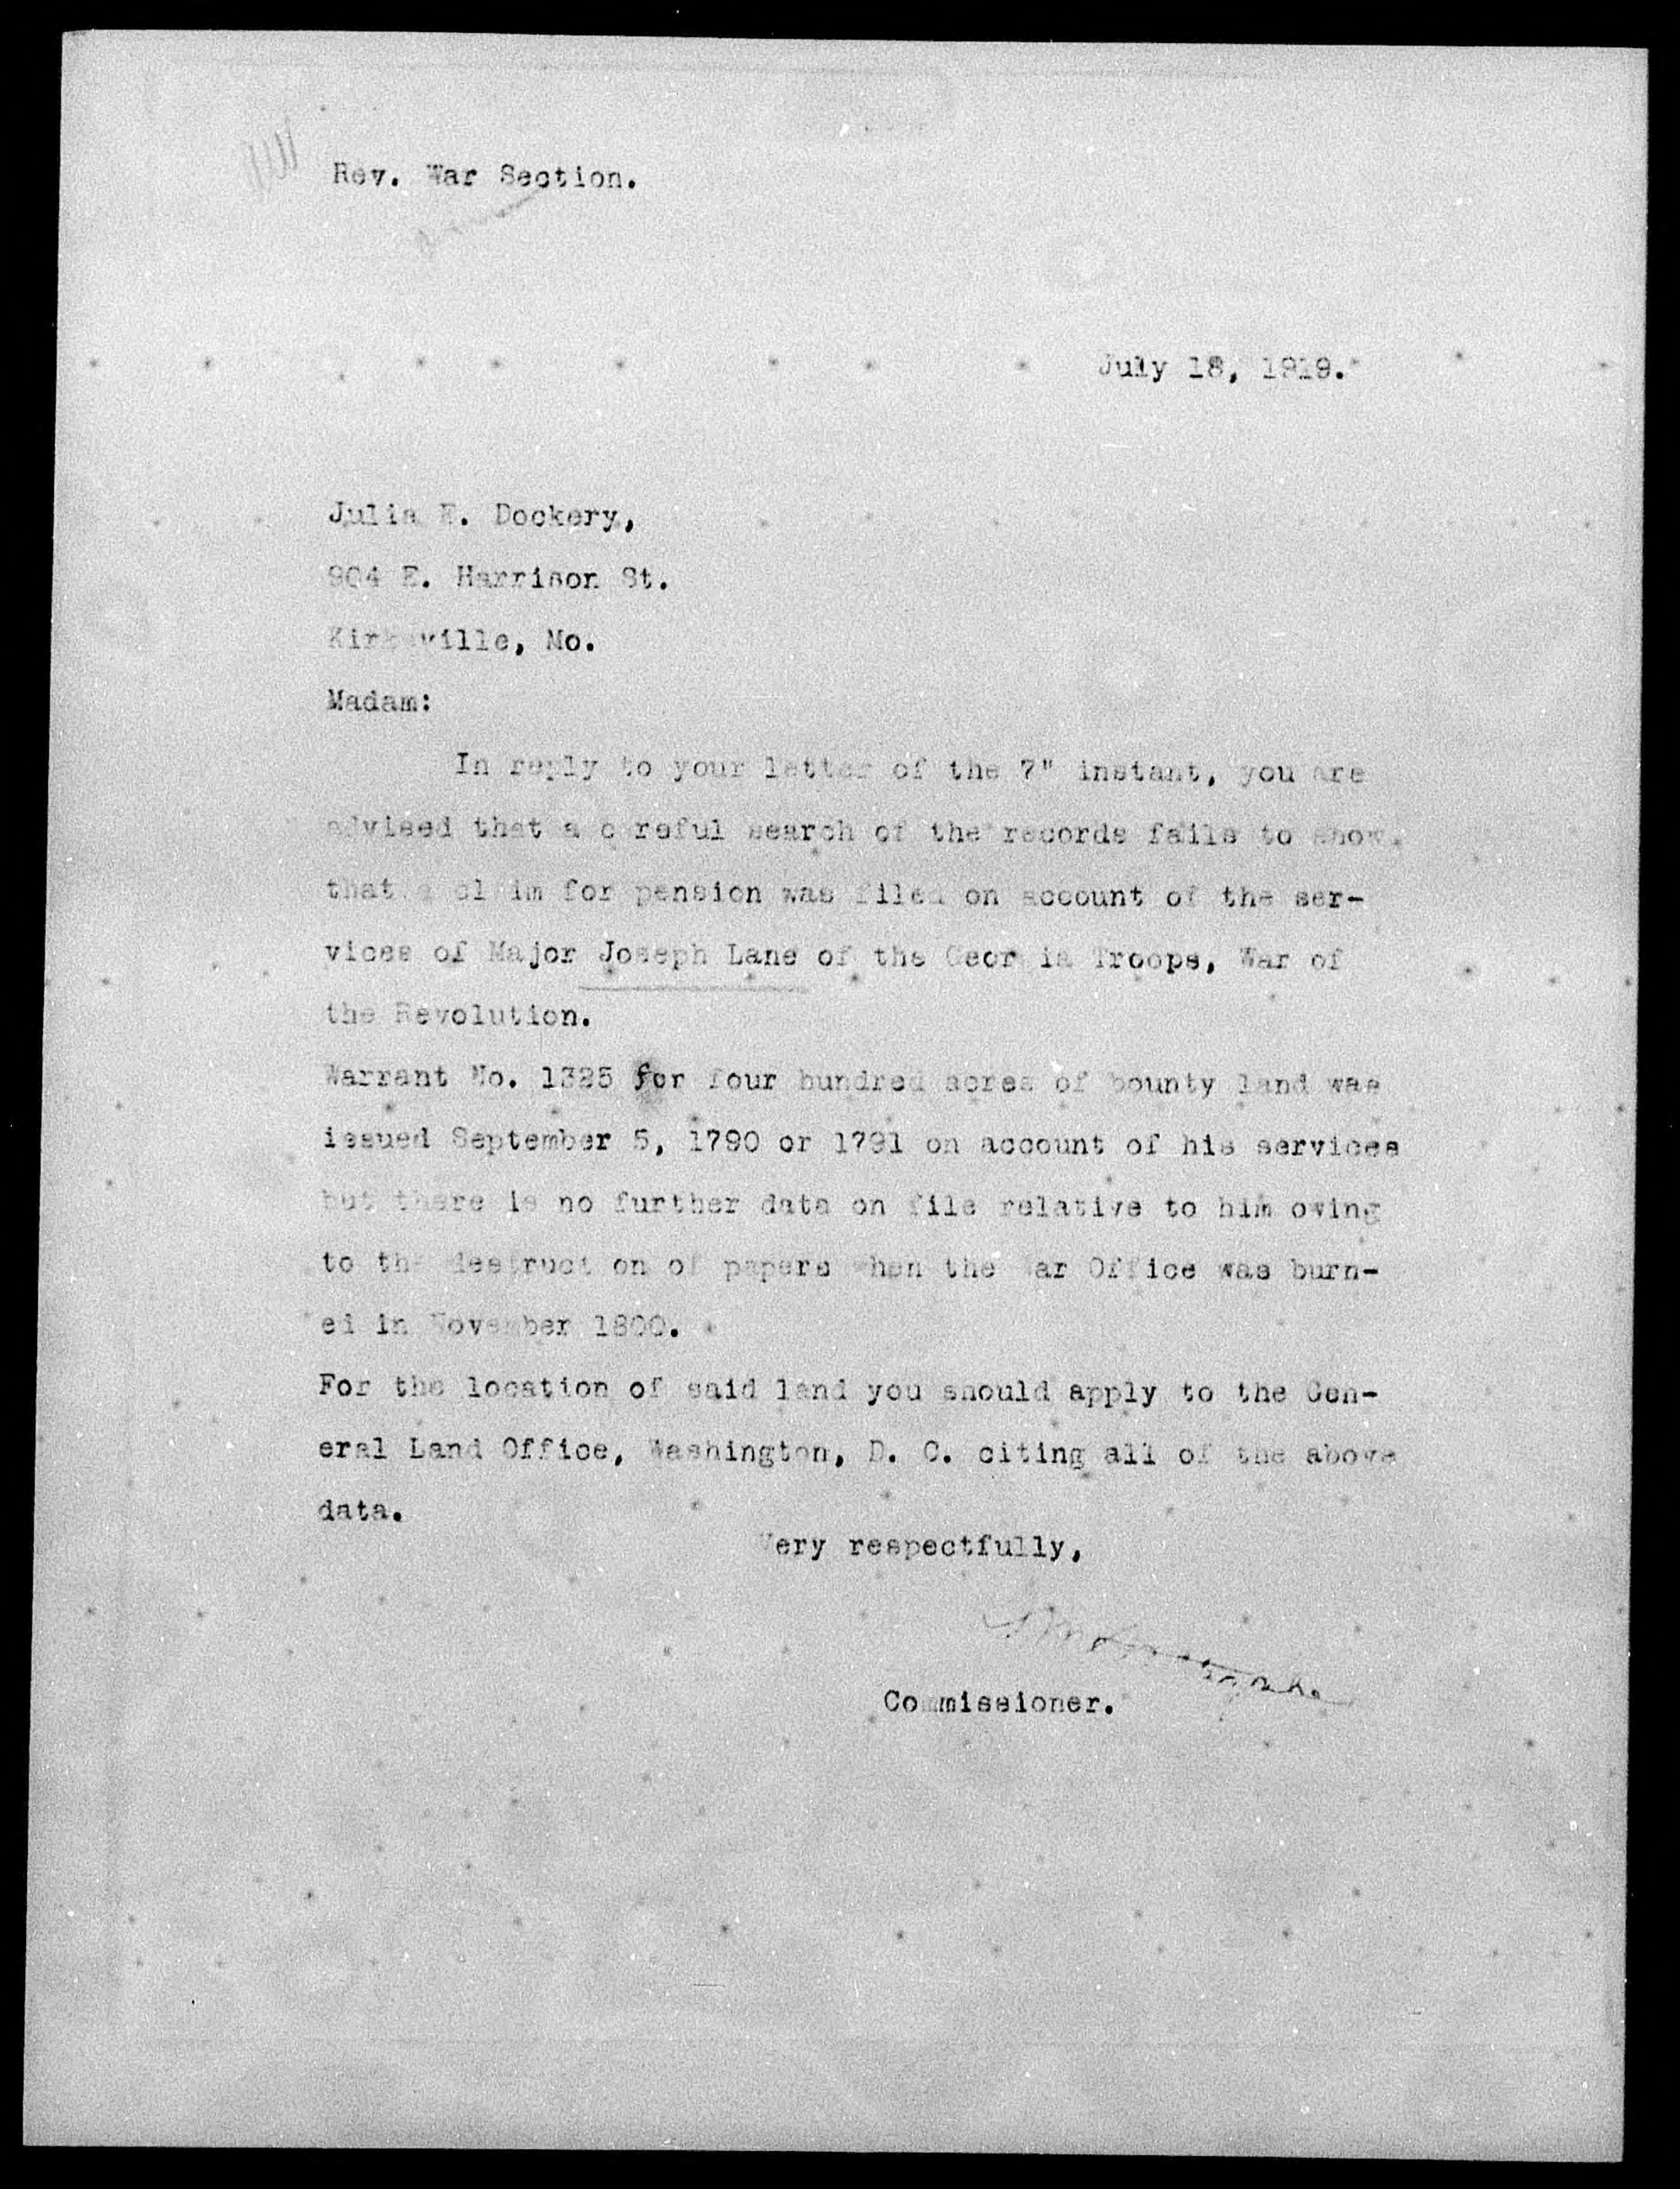Rev. War Section.

July 18, 1919

Julie E. Dockery
904 E. Harrison St.
Kirksville, MO.

Madam:

In reply to your letter of the 7th instant, you are advised that a careful search of the records fails to show that a claim for pension was filed on account of service of Major Joseph Lane of the Georgia Troops, War of the Revolution.

Warrant No. 1325 for four hundred acres of bounty land was issued September 5, 1790 or 1791 on account of his services but there is no further data on file relative to him owing to the destruction of papers when the War Office was burned in November 1800.

For the location of said land you should apply to the General Land Office, Washington, D.C. citing all of the above data.

Very respectfully,

(Signature)

Commissioner.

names: Joseph Lane; Julia E Dockery; G M Saltzgaber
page: 3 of 3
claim: bounty land warrant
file: B. L. Wt.1325-400, for Joseph Lane, Georgia